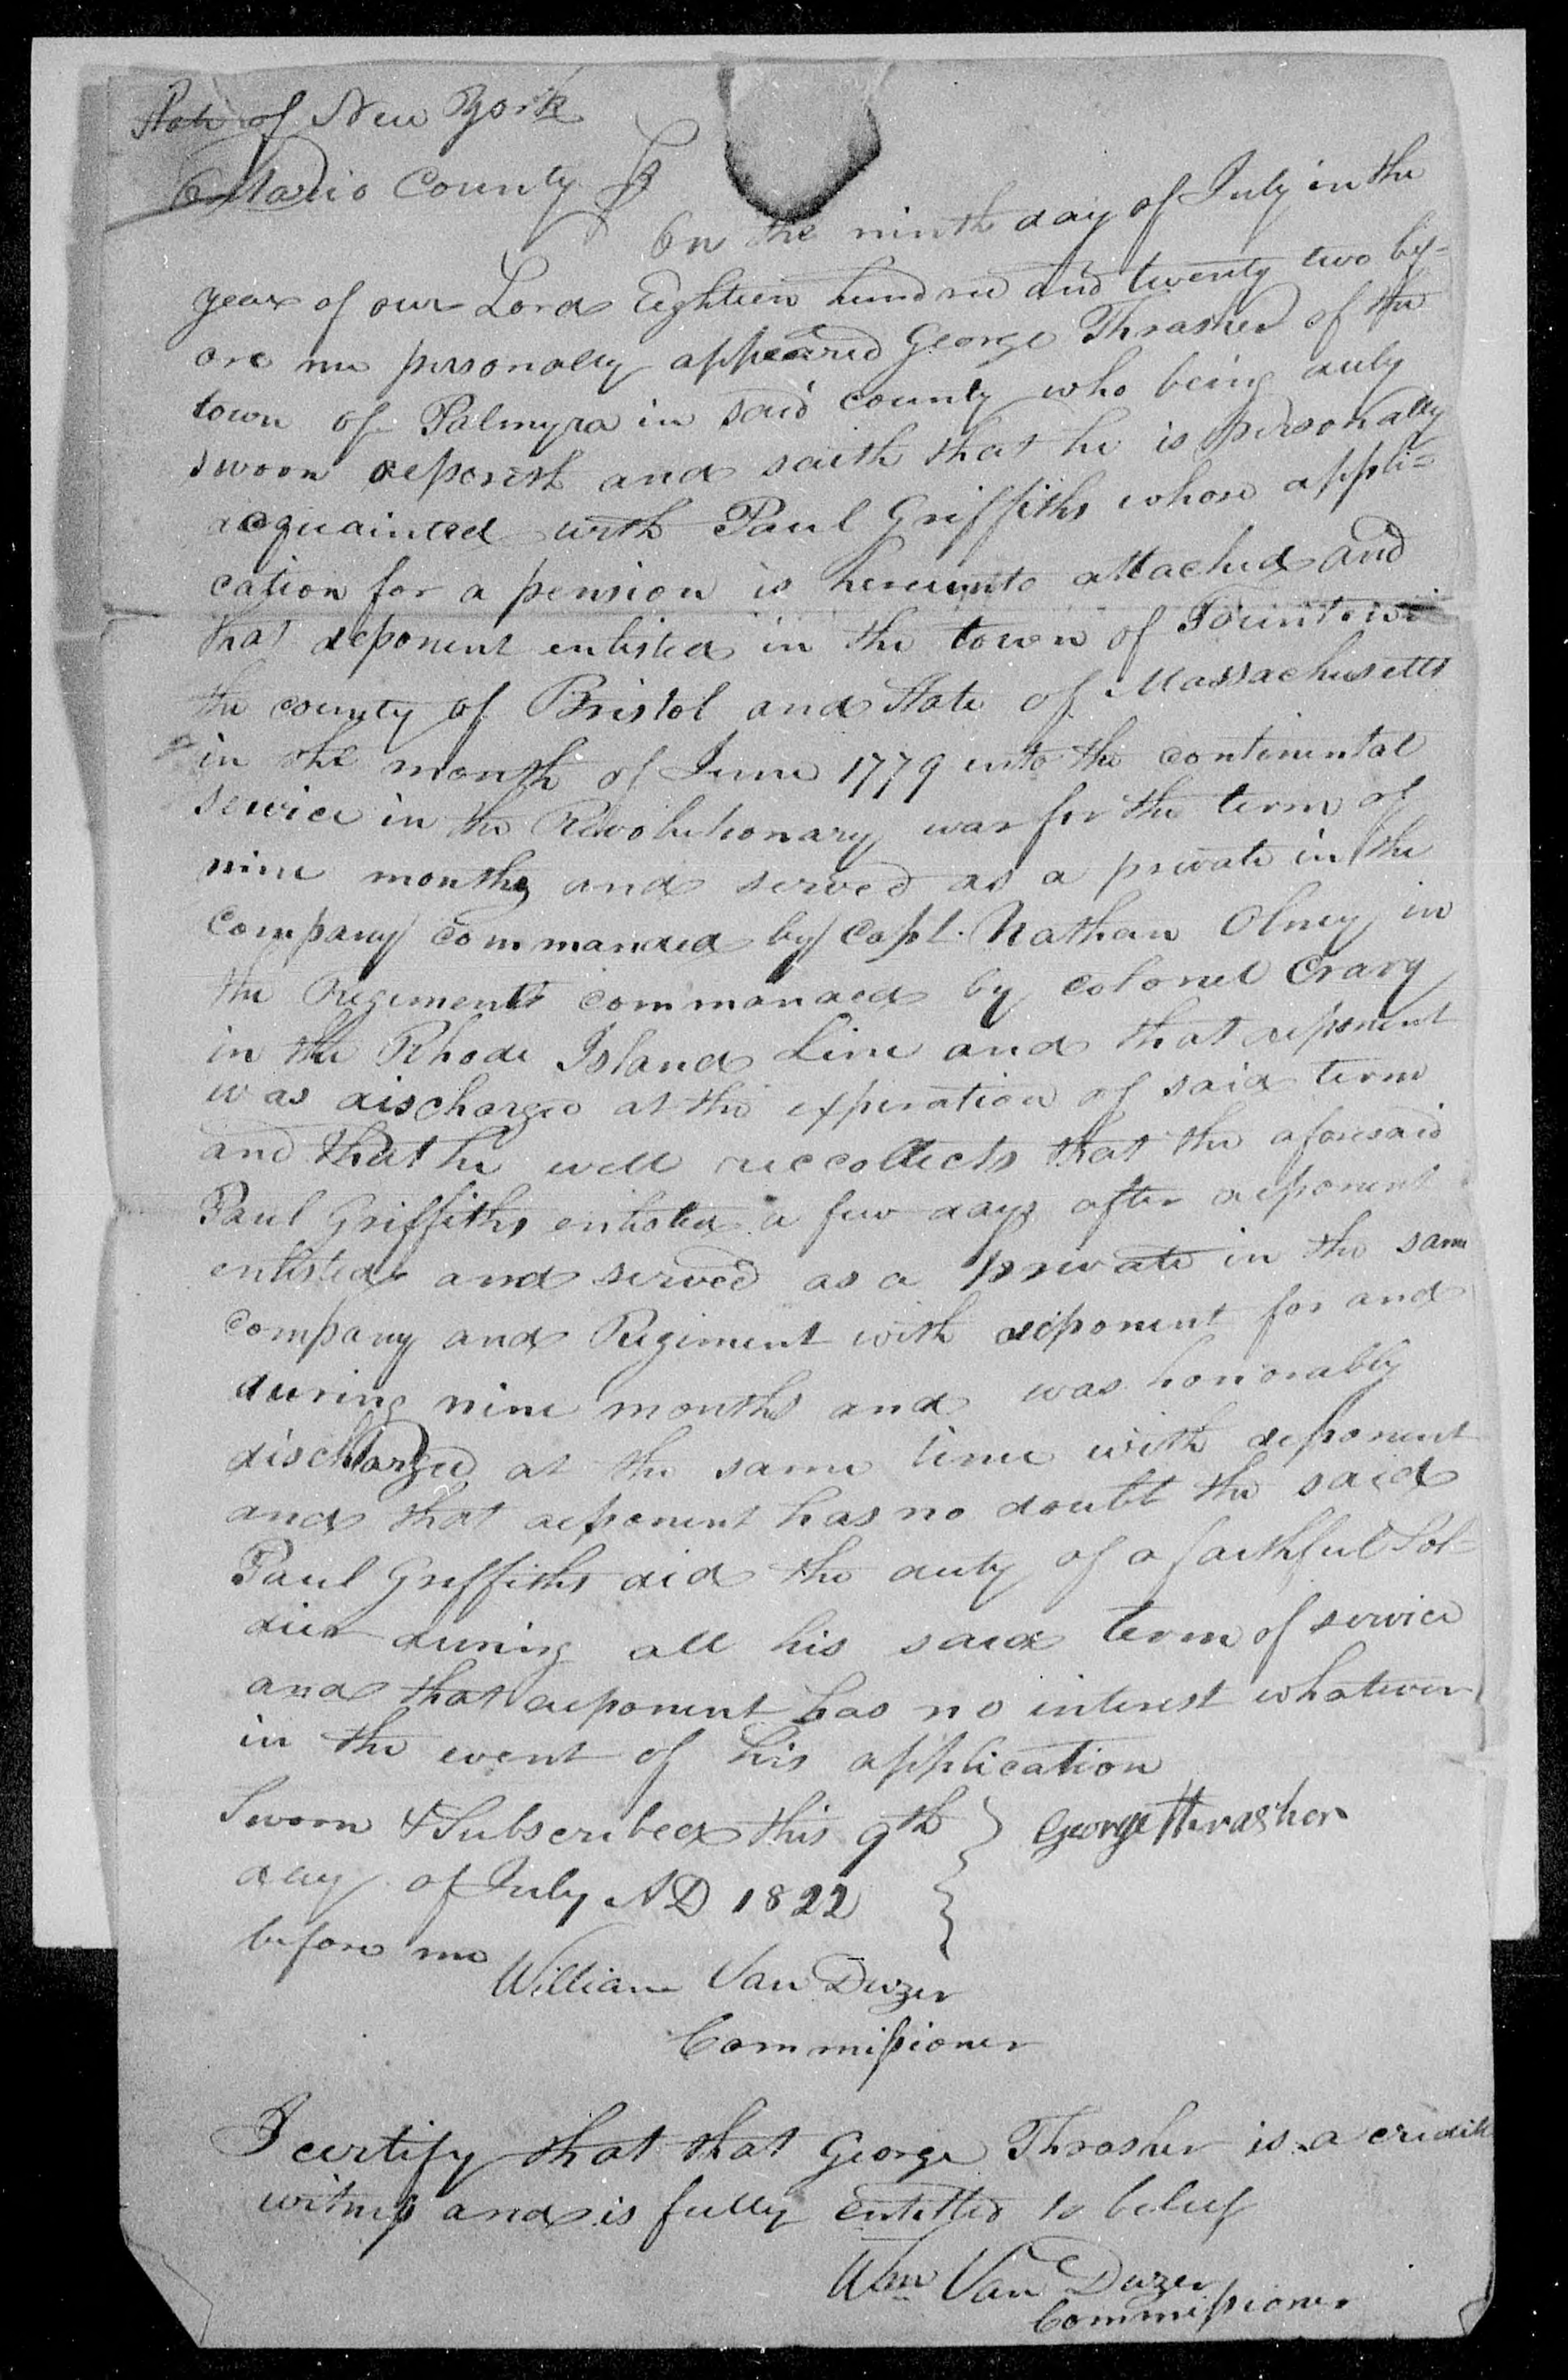State of New York,
Davis County, ss.

On the ninth day of July in the year of our Lord eighteen hundred and twenty two before me personally appeared George Thrasher of the Town of Palmyra in said County who being duly sworn deposeth and saith that he is personally acquainted with Paul Griffiths whose application for a pension is hereunto attached and that deponet enlisted in the town of Fountain in the county of Bristol and State of Massachusetts in the month of June 1779, into the continental service in the Revolutionary War for the term of nine months and served as a private in the company commanded by Capt. Nathan Olney in the Regiment commanded by Colonel Crary in the Rhode Island Line and that deponent was discharged at the expiration of said term and that he well recollects that the aforesaid Paul Griffiths enlisted a few days after deponent enlisted and served as a private in the same company and regiment with deponent for and during nine months and was honorably discharged at the same time with deponent and that deponent has no doubt the said Paul Griffiths did the duty of a faithful soldier during all his said term of service and that deponent has no interest whatever in the event of his application - 

George Thrasher

Sworn & subscribed this 9th day of July A.D. 1822 before me

William Van Duzer
Commissioner

I certify that that [sic] George Thrasher is a credible witness and is fully entitled to belief.

Wm. Van Duzer
Commissioner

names: Paul Griffiths, George Thrasher, George Thrasher, Nathan Olney, George Thrasher, George Thrasher, Paul Griffiths, Paul Griffiths, William Van Dwzer, Crary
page: 15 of 61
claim: survivor's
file: S. 22798, Paul Griffiths, R.I.